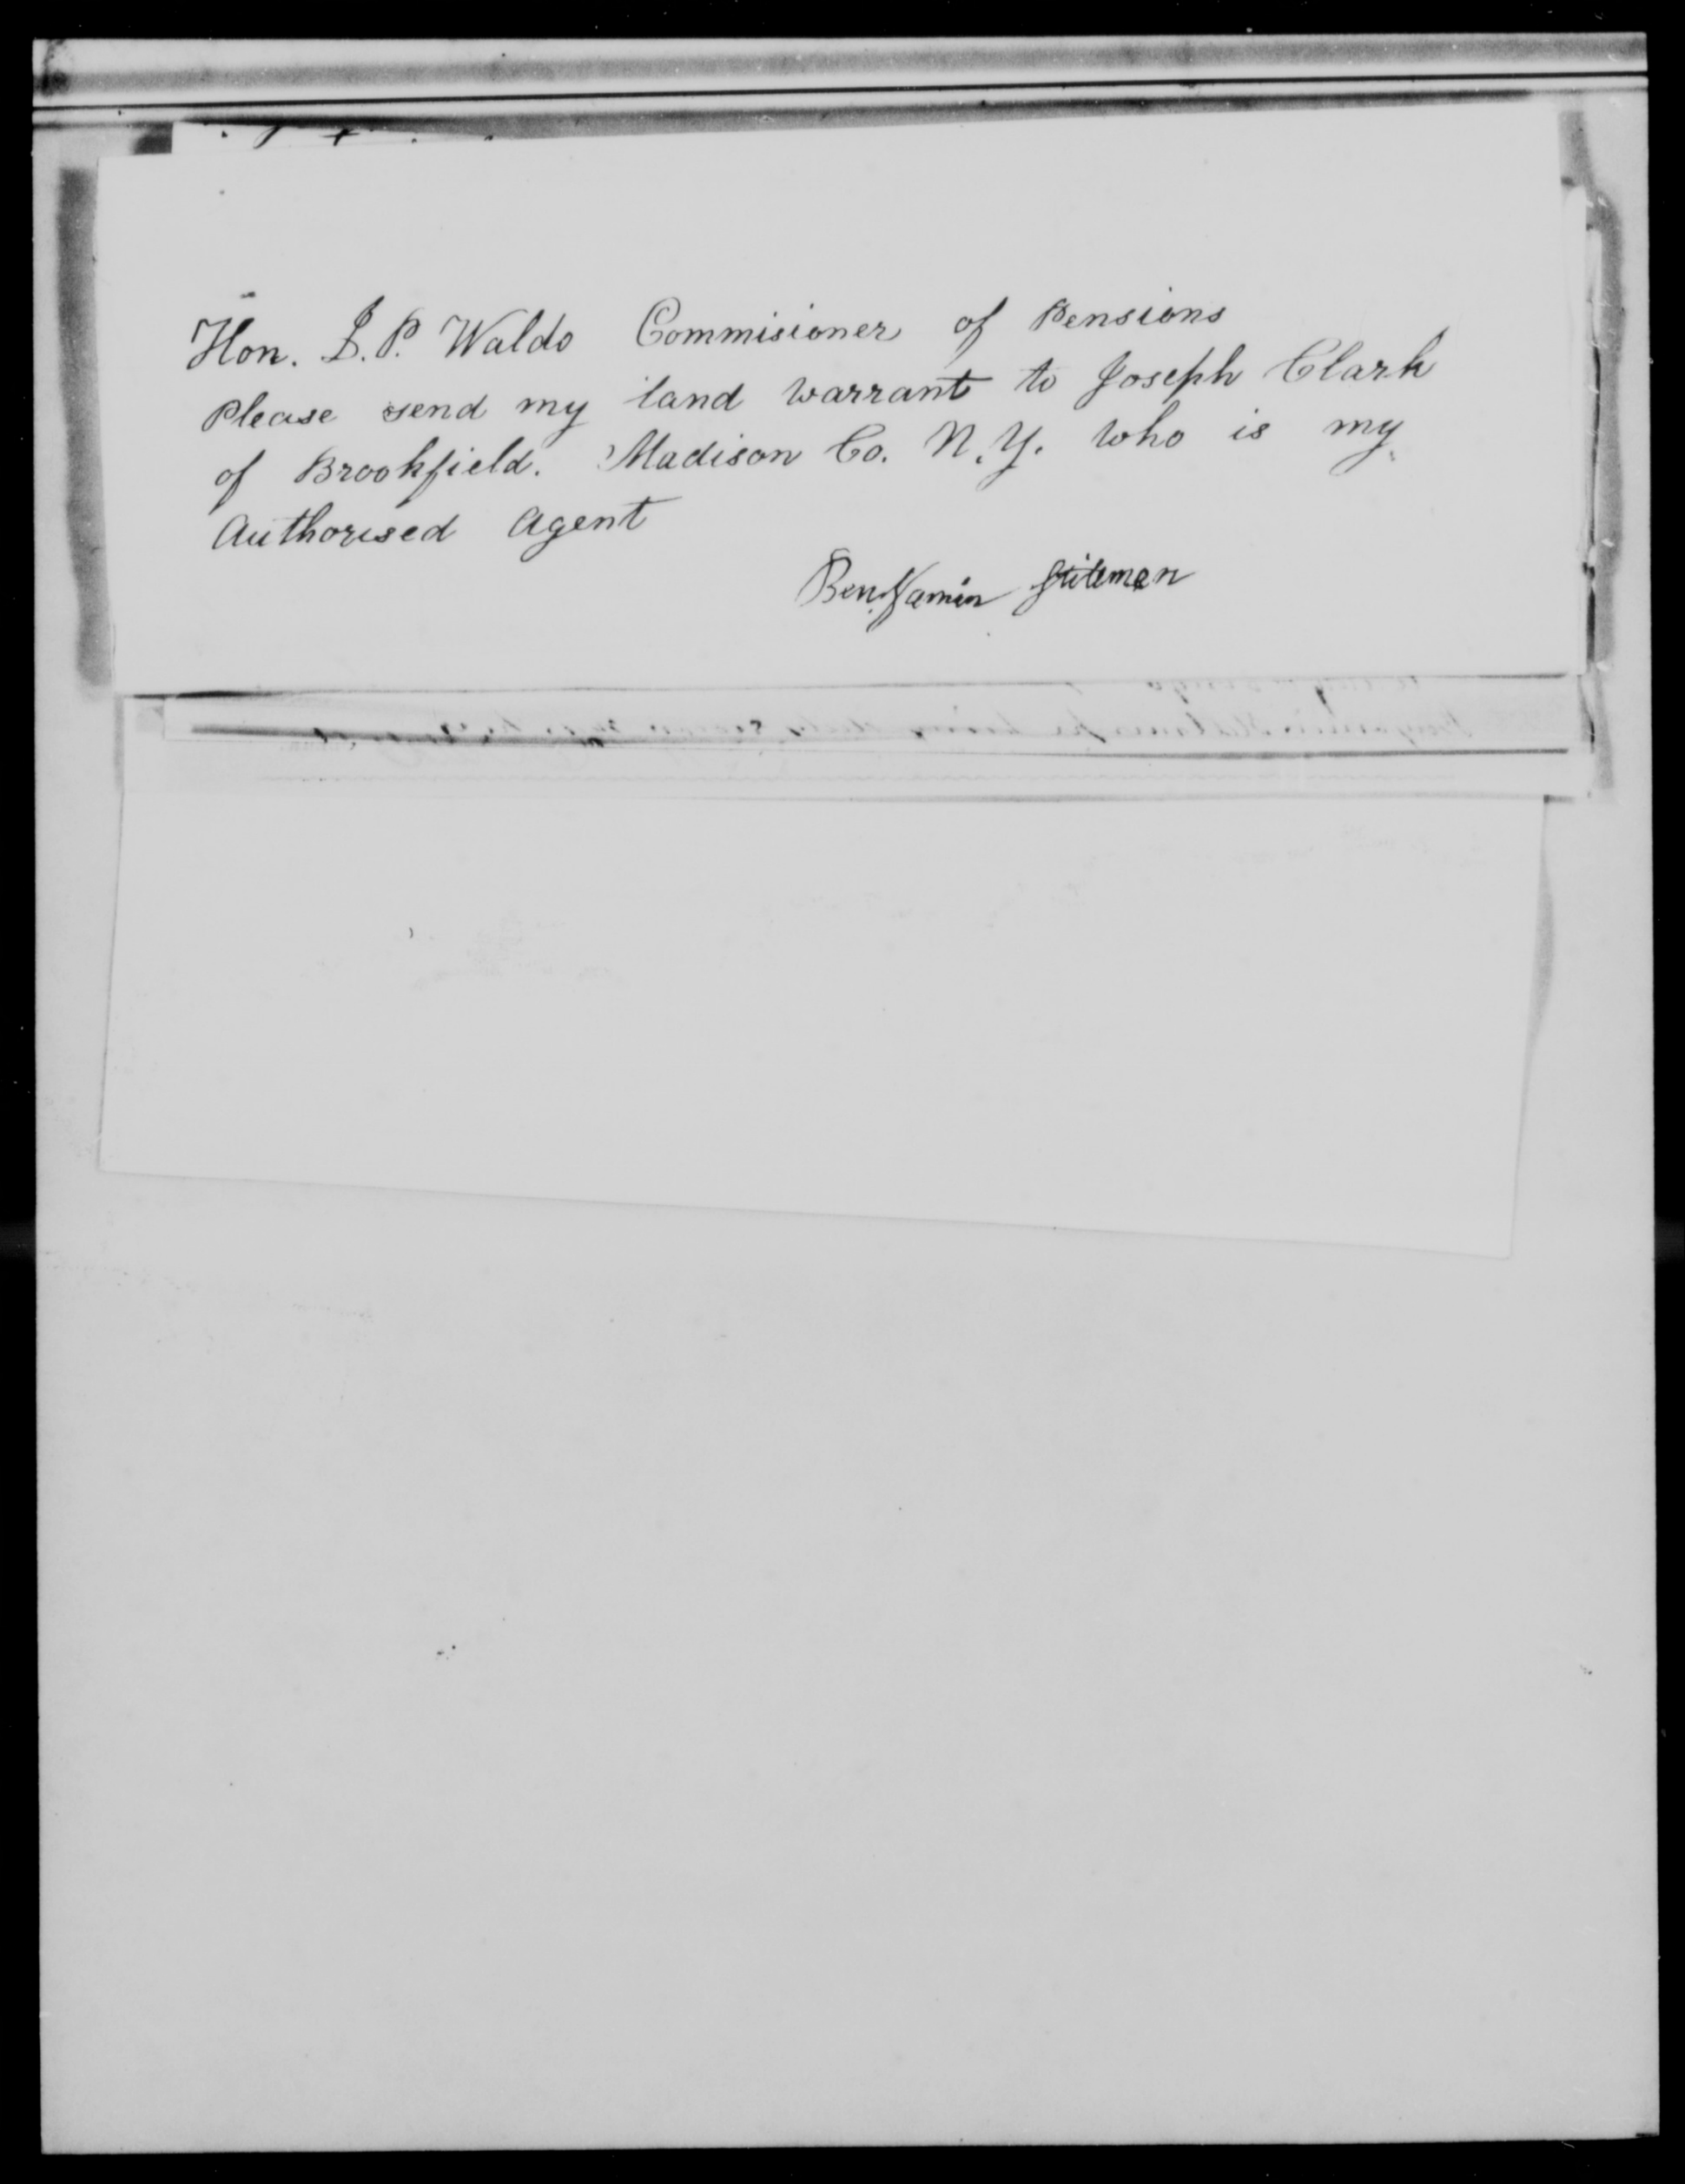Hon. L. P. Waldo Commissioner of Pensions
Please send my land warrant to Joseph Clark of Brookfield. Madison Co. N.Y. who is my authorised agent
Benjamin Stillman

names: Benjamin Stillman; L P Waldo; Joseph Clark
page: 7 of 29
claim: bounty land warrant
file: B.L.Wt.47987-160-55, for Benjamin Stillman, Rhode Island